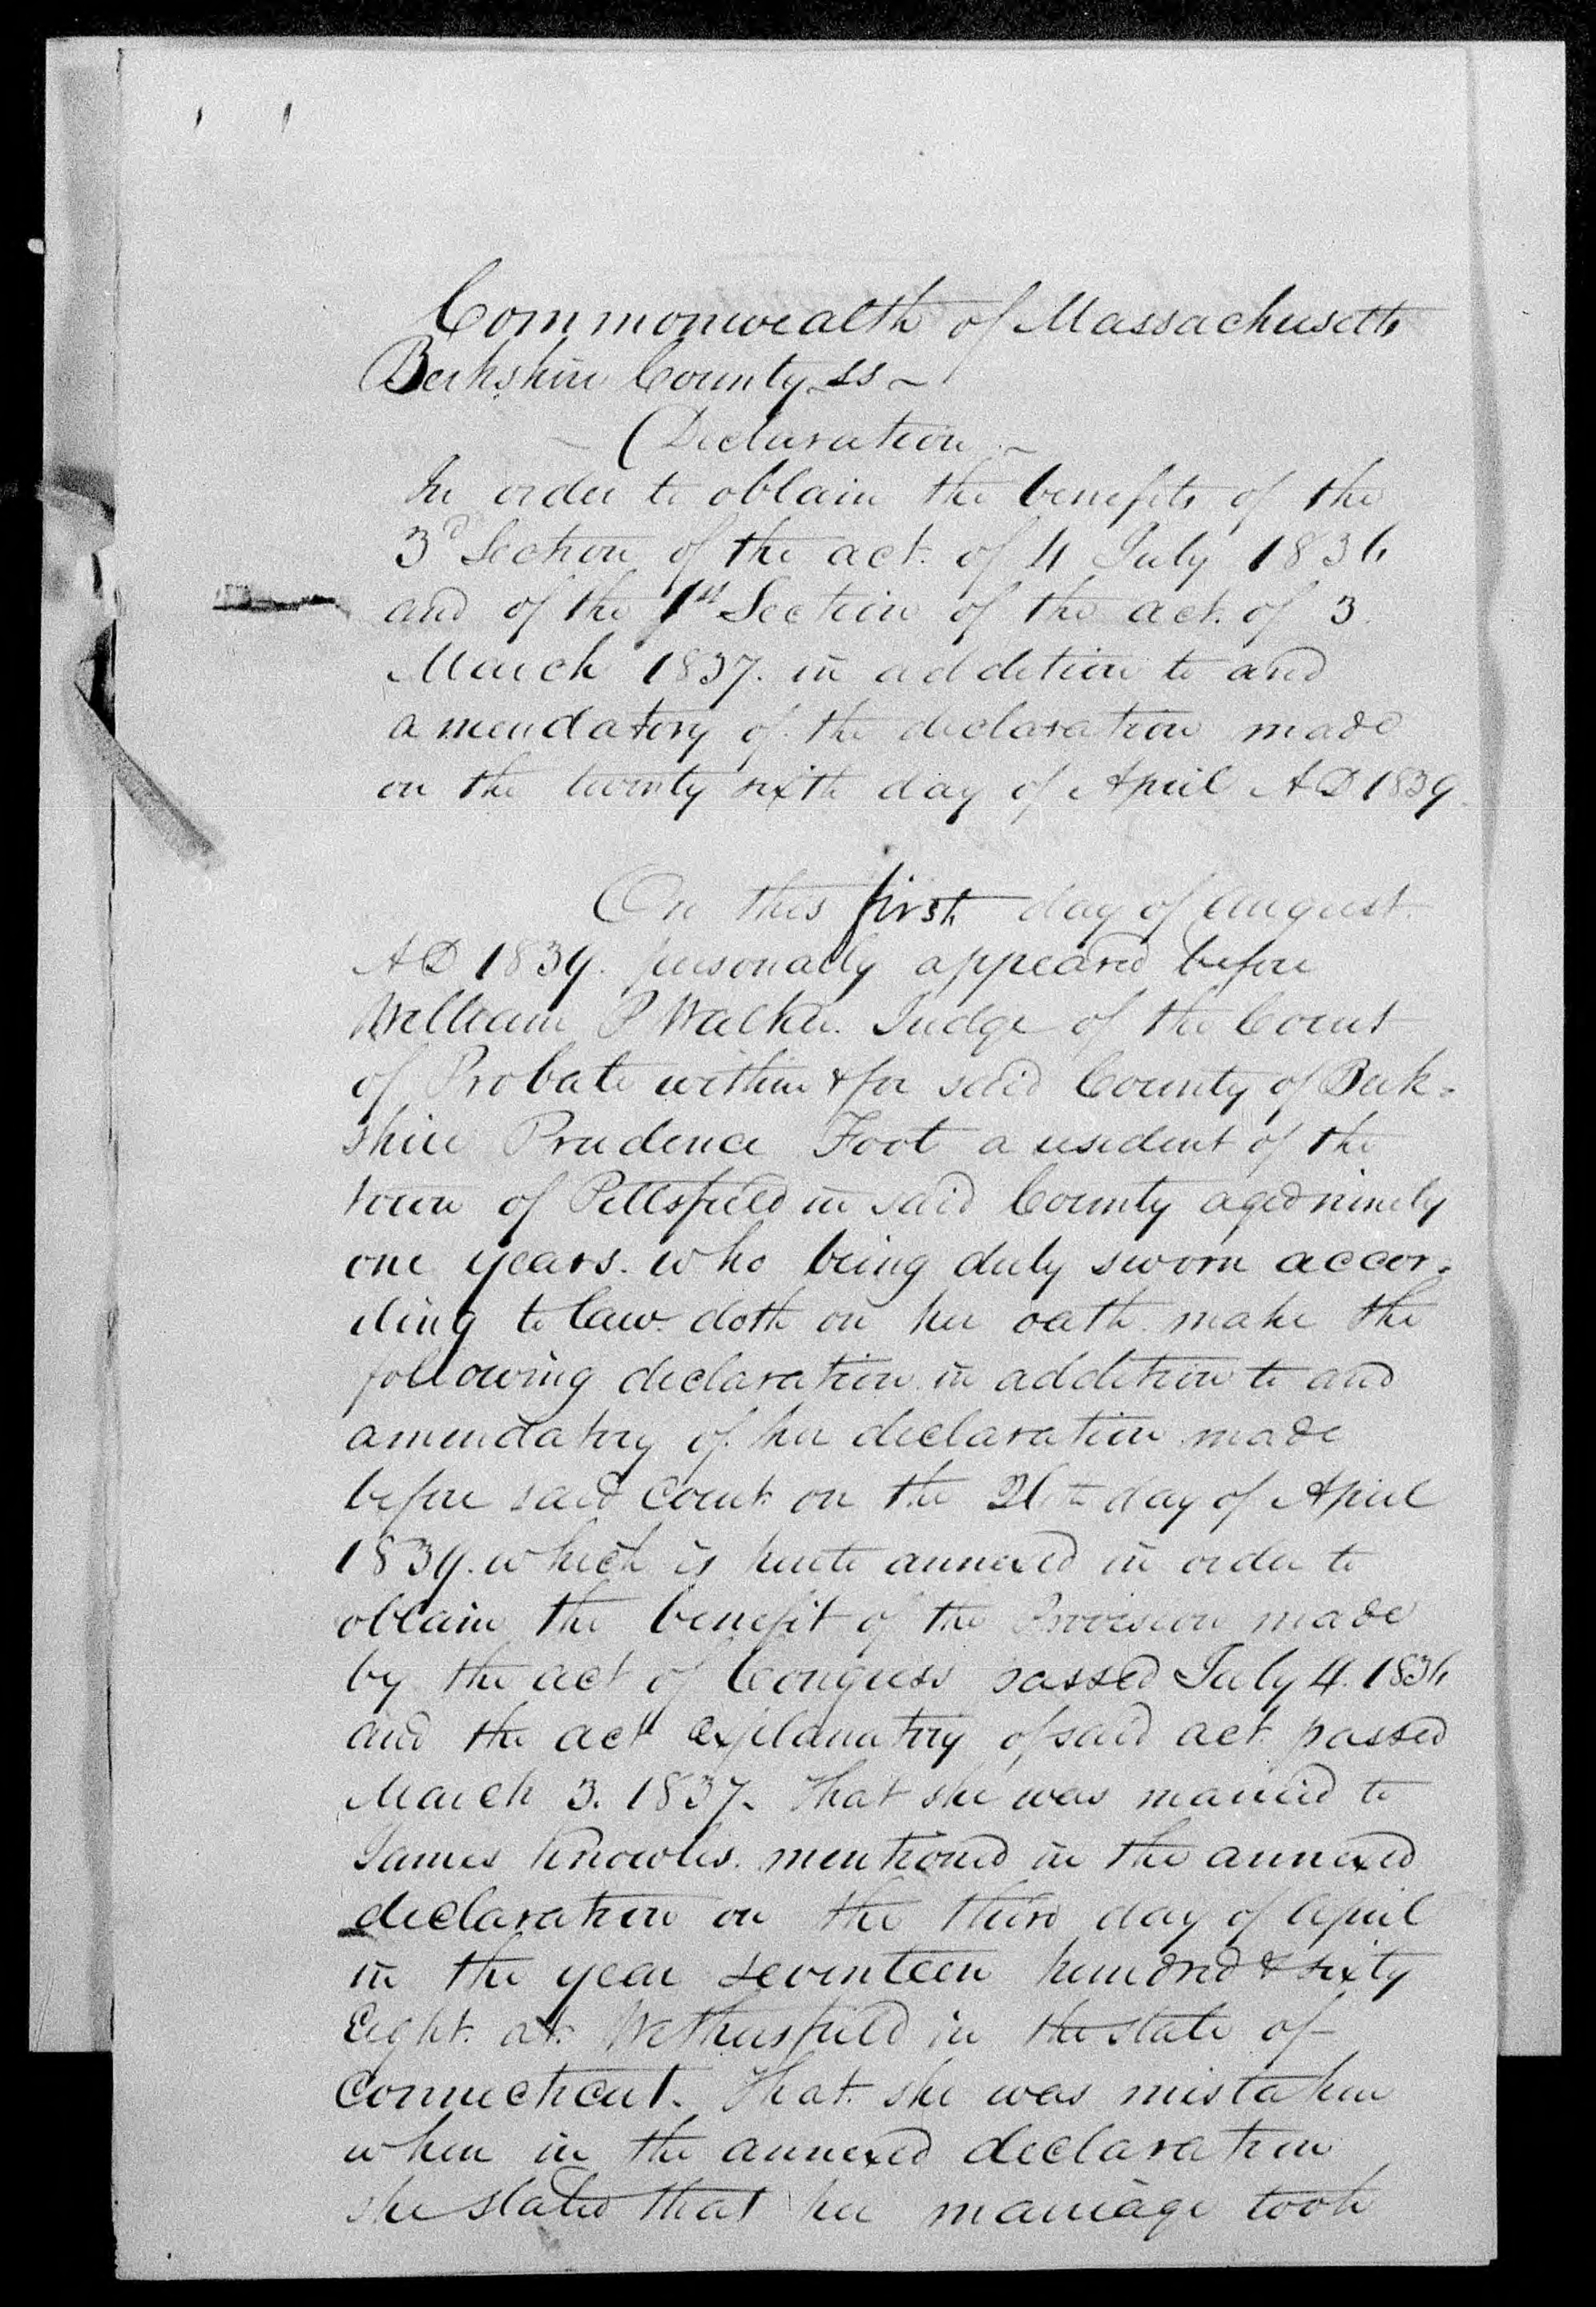Commonwealth of Massachusetts Berkshire County Ss.
Declaration
In order to obtain the benefits of the 3d Section of the act of 4 July 1836 and of the 1st Section of the act of 3 March 1837 in addition to and amendatory of the declaration made on the twenty sixth day of April AD 1839

On this first day of August AD 1839 personally appeared before William P Walker Judge of the Court of Probate within & for said County of Berkshire Prudence Foot a resident of the town of Pittsfield in said County aged ninety one years who being duly sworn according to law doth on her oath make the following declaration in addition to and amendatory of her declaration made before said court on the 20th day of April 1839 which is hereto annexed in order to obtain the benefit of the Provision made by the act of Congress passed July 4 1831 and the act explanatory of said act passed March 3 1837.  That she was married to James Knowles mentioned in the annexed declaration on the third day of April in the year Seventeen hundred & sixty Eight at Wethersfield in the state of Connecticut.  That she was mistaken when in the annexed declaration she stated that her marriage took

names: James Knowles; William P Walker; Prudence Foot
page: 9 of 60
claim: widow's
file: W. 14,036, for James Knowles, Connecticut